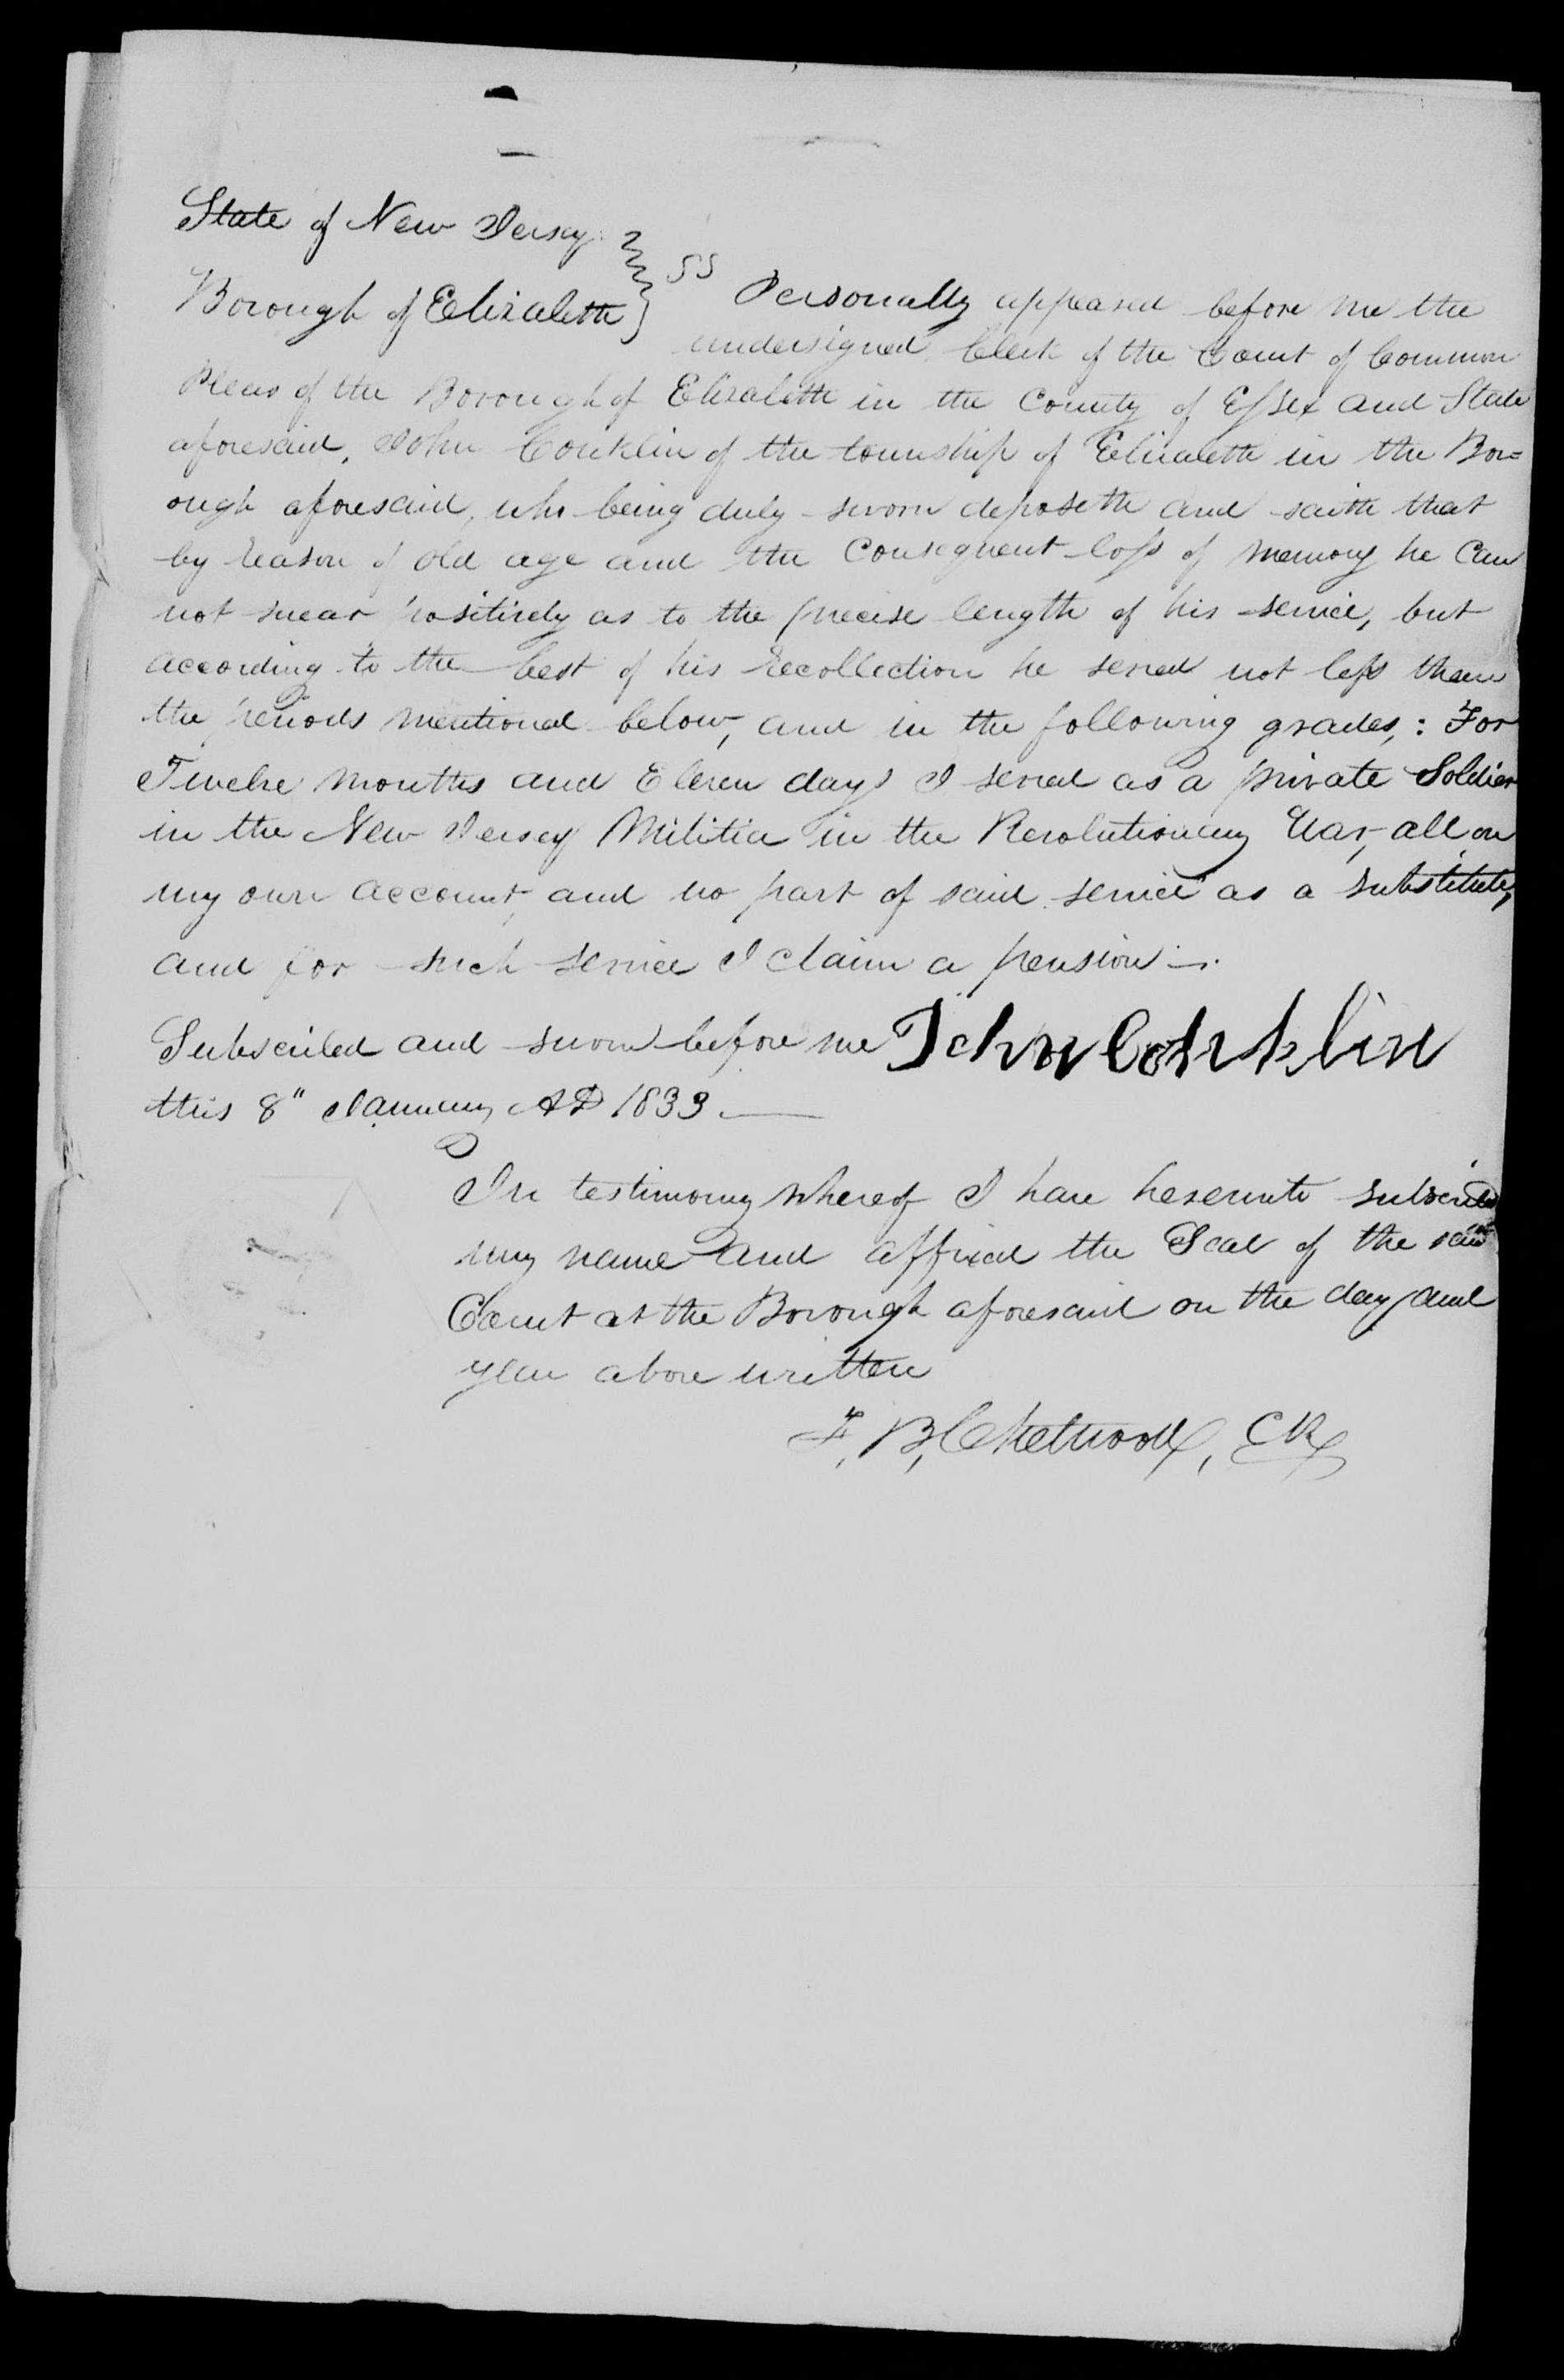State of New Jersey
Borough of Elizabeth
Personally appeared before me the
undersigned Clerk of the Court of Common
Pleas of the Borough of Elizabeth in the County of Essex and State
aforesaid, John Conklin of the township of Elisabeth in the 
Borough aforesaid, who being duly sworn deposeth and saith that
by reason of old age and the consequent loss of memory he can
not swear positively as to the precise length of his service, but
according to the best of his recollection he served not less than 
the periods mentioned below, and in the following grades: For
Twelve months and Eleven days I served as a private Soldier 
in the New Jersey Militia in the Revolutionary War all on
my own account and no part of said service as a substitute
and for such service I claim a pension.
Subscribed and sworn before me 
this 8th January AD 1833
s/ John Conklin

In testimony whereof I have hereunto subscribed
my name and affixed the Seal of the said
Court at the Borough aforesaid on the day and
year above written
F. B. Chetwood Clk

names: John Conklin, F B Chetwood, John Conklin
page: 12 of 28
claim: survivor's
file: S 2464, John Conklin, New Jersey